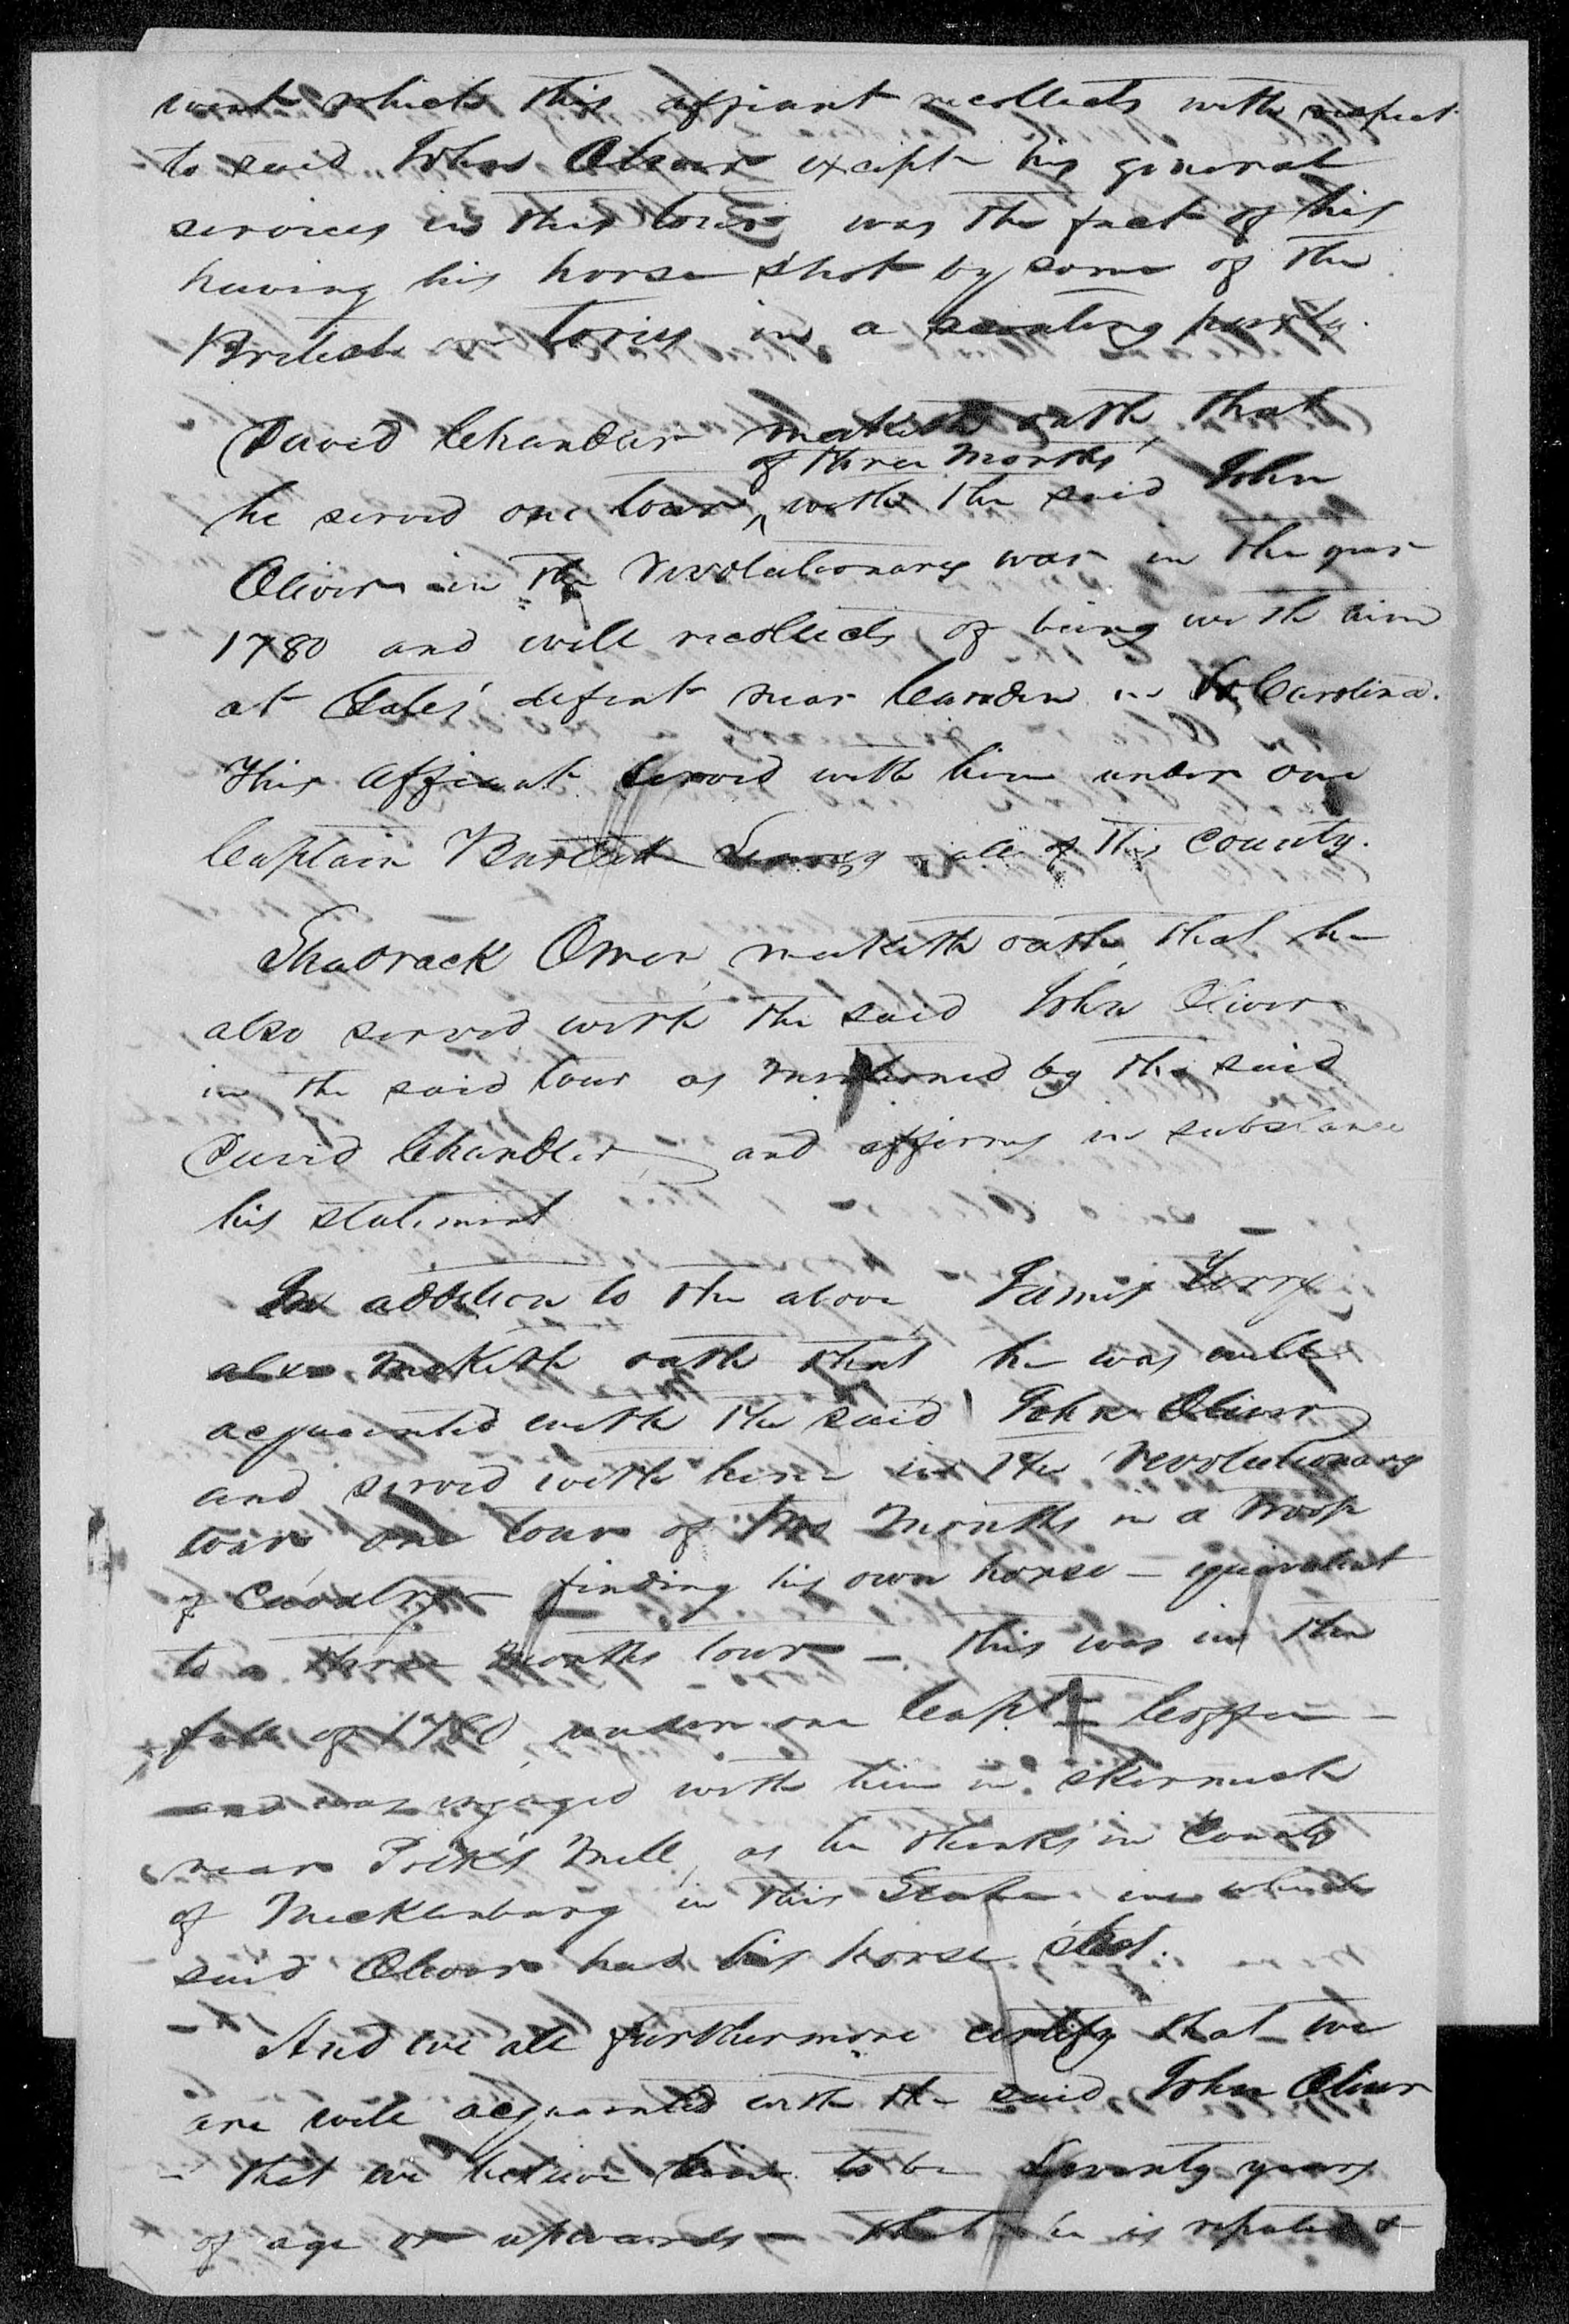event which this affiant recollects with respect to said John Oliver except his general services in this tour was the fact of his having his horse shot by some of the British or Tories in a scouting party. David Chandler maketh oath that he served one tour of three months with the said John Oliver in the revolutionary war in the year 1780 and well recollects of being with him at Gates defeat near Camden in South Carolina.  This affiant served with him under one Capt. Bartlett all of this County. Shadrach Owen maketh oath that he also served with the said John Oliver in the said tour as mentioned by the said David Chandler and affirms in substance his statement. In addition to the above James Terry also maketh oath that he was well acquainted with the said John Oliver and served with him in the revolutionary war one tour of two months in a troop of Cavalry finding his own horse -- equivalent to a three months tour -- this was in the fall of 1780 under one Capt. Coffee -- was engaged with him in the skirmish near Polk's mill as he thinks in the County of Mecklenburg in this State in which said Oliver had his horse shot. And we all furthermore certify that we are well acquainted with the said John Oliver that 
we believe him to be seventy years of age or upwards -- that he is reputed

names: Shadrack Owen; [BLANK] Bartlett; John Oliver; David Chandler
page: 17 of 32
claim: survivor's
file: S. 31888, for John Oliver, North Carolina